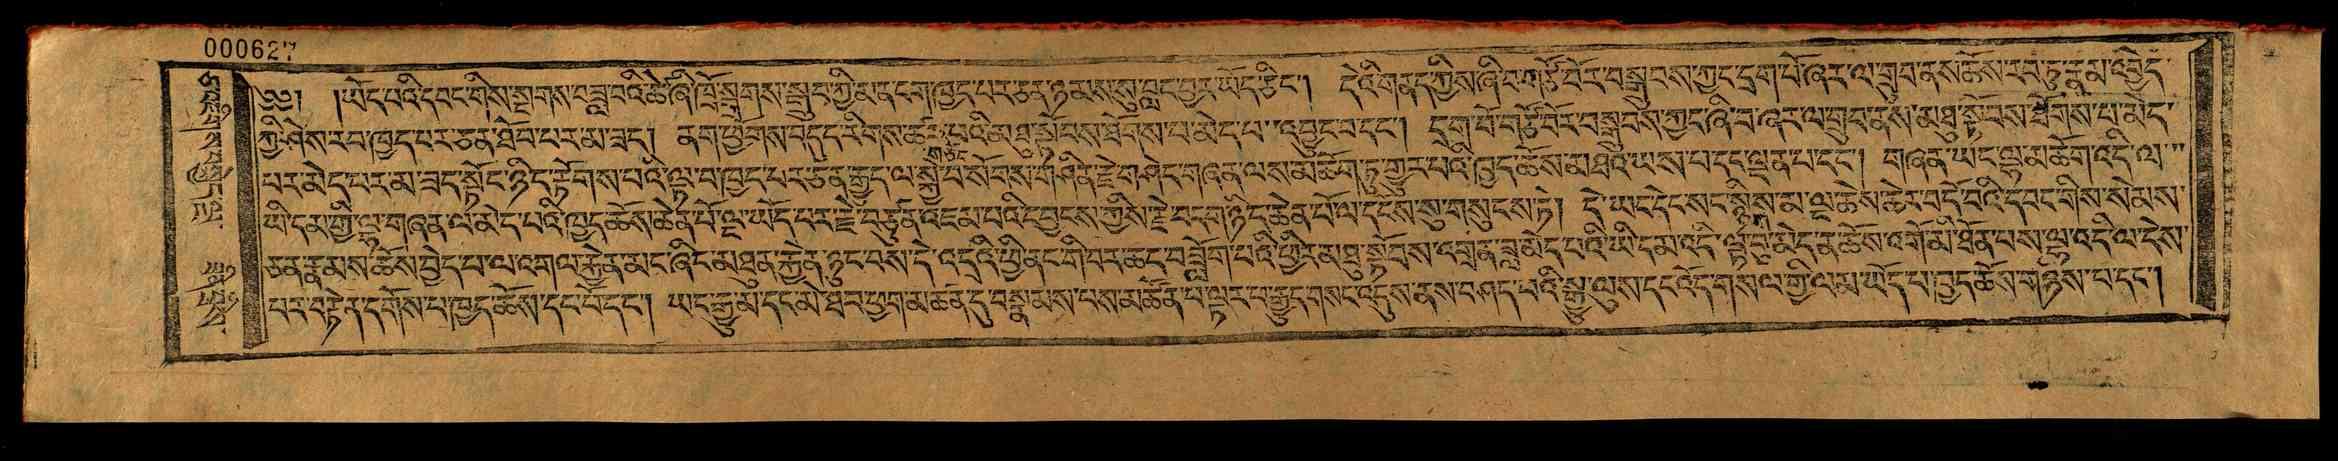༄༅། །ཡོད་པའི་དབང་གིས་སྔགས་བཟླ་བའི་ཚེ་ཞི་ཁྲོ་སྦྲགས་སྒྲུབ་ཀྱི་མན་ངག་ཁྱད་པར་ཅན་ཉམས་སུ་བླང་བྱར་ཡོད་ཅིང་། དེའི་གནད་ཀྱིས་ཞི་བ་གཙོ་བོར་བསྒྲུབས་ཀྱང་དྲག་པོ་ཞར་ལ་གྲུབ་ནས་ཆོས་རབ་ཏུ་རྣམ་
འབྱེད་ཀྱི་ཤེས་རབ་ཁྱད་པར་ཅན་ཐོབ་པར་མ་ཟད། ནག་ཕྱོགས་བདུད་རིགས་ཚར་གཅོད་པའི་མཐུ་སྟོབས་ཐོགས་པ་མེད་པ་འབྱུང་བ་དང་། དྲག་པོ་གཙོ་བོར་བསྒྲུབས་ཀྱང་ཞི་བ་ཞར་ལ་གྲུབ་ནས་མཐུ་སྟོབས་ཐོགས་
པ་མེད་པར་མ་ཟད་སྟོང་ཉིད་རྟོགས་པའི་ལྟ་བ་ཁྱད་པར་ཅན་རྒྱུད་ལ་སྐྱེ་བ་སོགས་གཤིན་རྗེ་གཤེད་གཞན་ལས་མཆོག་ཏུ་གྱུར་པའི་ཁྱད་ཆོས་མཐའ་ཡས་པ་དང་ལྡན་པ་དང་། གཞན་ཡང་ལྷ་མཆོག་འདི་ལ་ཡི་དམ་
གྱི་ལྷ་གཞན་ལ་མེད་པའི་ཁྱད་ཆོས་ཆེན་པོ་ལྔ་ཡོད་པར་རྗེ་བཙུན་འཇམ་པའི་དབྱངས་ཀྱིས་རྗེ་བདག་ཉིད་ཆེན་པོ་ལ་དངོས་སུ་གསུངས་ཏེ། དེ་ཡང་དེང་སང་སྙིགས་མ་ལྔ་ཆེས་ཆེར་བདོ་བའི་དབང་གིས་སེམས་ཅན་རྣམས་ཆོས་
བྱེད་པ་ལ་འགལ་རྐྱེན་མང་ཞིང་མཐུན་རྐྱེན་ཉུང་བས་དེ་འདྲའི་ཕྱི་ནང་གི་བར་ཆད་བཟློག་པའི་ཕྱིར་མཐུ་སྟོབས་འགྲན་ཟླ་མེད་པའི་ཡི་དམ་འདི་ལྟ་བུ་མེད་ན་ཆོས་འགོ་མི་ཐོན་པས་ལྷ་འདི་ལ་ངེས་པར་བརྟེན་དགོས་པ་ཁྱད་
ཆོས་དང་པོ་དང་། ཡང་རྒྱུ་མ་དང་མེ་ཐབ་ཕྱག་མཚན་དུ་བསྣམས་པས་མཚོན་པ་ལྟར་ཕ་རྒྱུད་གསང་འདུས་ནས་བཤད་པའི་སྒྱུ་ལུས་དང་འོད་གསལ་གྱི་ལམ་ཡོད་པ་ཁྱད་ཆོས་གཉིས་པ་དང་། ཡང་ཕྱག་མཚན་